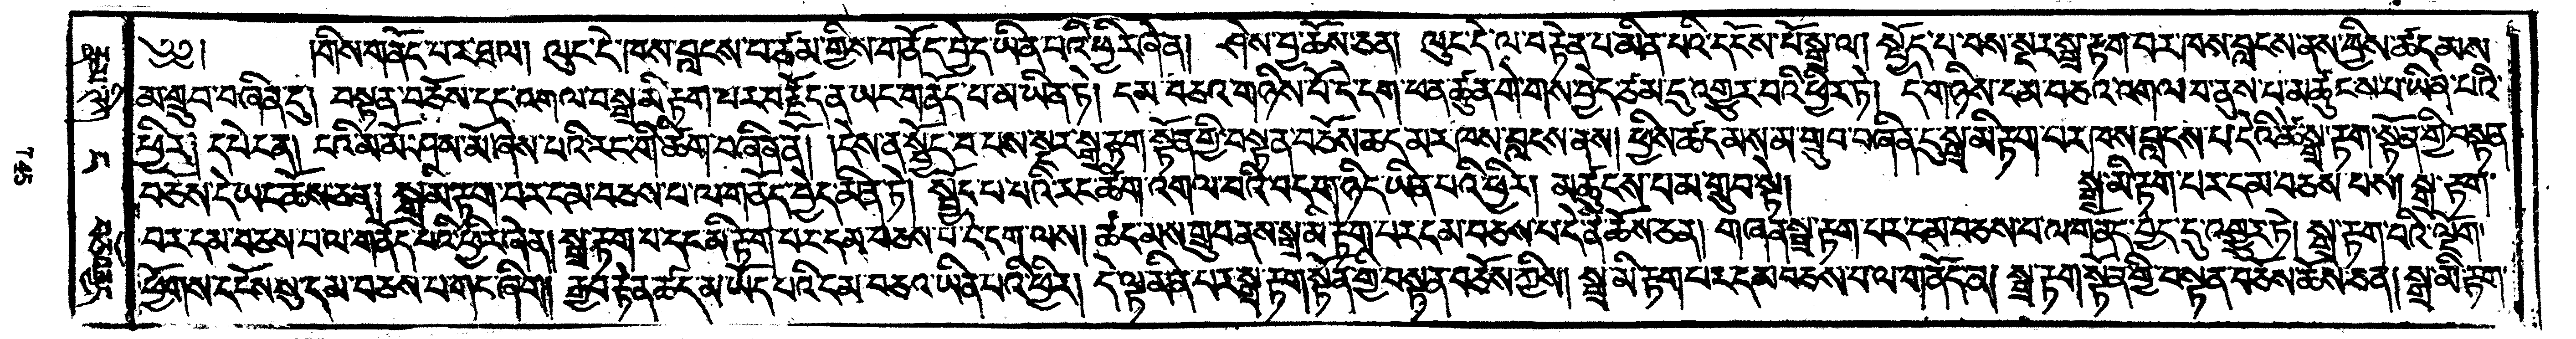༄༅། །གིས་གནོད་པར་ཐལ། ལུང་དེ་ཁས་བླངས་པ་ཙམ་གྱིས་གནོད་བྱེད་ཡིན་པའི་ཕྱིར་ཞེ་ན། ཤེས་བྱ་ཆོས་ཅན། ལུང་དེ་ལ་བརྟེན་པ་མིན་པའི་དངོས་པོ་སྒྲ་ལ། སྤྱོད་པ་བས་སྔར་སྒྲ་རྟག་བར་ཁས་བླངས་ནས་ཕྱིས་ཚད་མས་
མ་གྲུབ་བཞིན་དུ། བསྟན་བཅོས་དང་འགལ་བ་སྒྲ་མི་རྟག་པར་བརྗོད་ན་ཡང་གནོད་པ་མ་ཡིན་ཏེ། དམ་བཅའ་གཉིས་པོ་དེ་དག་ཕན་ཚུན་གེ་གས་བྱེད་ཙམ་དུ་འགྱུར་བའི་ཕྱིར་ཏེ། དེ་གཉིས་དམ་བཅའ་འགལ་བ་ནུས་པ་མཚུངས་པ་ཡིན་པའི་
ཕྱིར། དཔེར་ན། ངའི་མ་མོ་ཤམ་མོ་ཞེས་པའི་རང་གི་ཚིག་བཞིན་ནོ། །དེས་ན་སྤྱོད་བ་པས་སྔར་སྒྲ་རྟག་སྟོན་གྱི་བསྟན་བཅོས་ཆད་མར་ཁས་བླངས་ནས། ཕྱིས་ཚང་མས་མ་གྲུབ་བཞིན་དུ་སྒྲ་མི་རྟག་པར་ཁས་བླངས་པ་དེའི་ཚེ་སྒྲ་རྟག་སྟོན་གྱི་བསྟན་
བཅོས་དེ་ཡང་ཆོས་ཅན། སྒྲ་མི་རྟག་བར་དམ་བཅས་པ་ལ་གནོད་བྱེད་མིན་ཏེ། སྤྱོད་པ་པའི་རང་ཚིག་འགལ་བའི་བདག་ཉིད་ཡིན་པའི་ཕྱིར། མཚུངས་པ་མ་གྲུབ་སྟེ། སྒྲ་མི་རྟག་པར་དམ་བཅས་པས། སྒྲ་རྟག་
བར་དམ་བཅས་པ་ལ་གནོད་པའི་ཕྱིར་ཞེ་ན། སྒྲ་རྟག་པ་དང་མི་རྟག་པར་དམ་བཅས་པ་དེ་དག་ལས། ཚད་མས་གྲུབ་ནས་སྒྲ་མི་རྟག་པར་དམ་བཅས་པ་དེ་ནི་ཆོས་ཅན། གཞན་སྒྲ་རྟག་པར་དམ་བཅས་པ་ལ་གནོད་བྱེད་དུ་འགྱུར་ཏེ། སྒྲ་རྟག་པའི་ལྡོག་
ཕྱོགས་དངོས་སུ་དམ་བཅས་པ་གང་ཞིག། རྒྱབ་རྟེན་ཚད་མ་ཡོད་པའི་དམ་བཅའ་ཡིན་པའི་ཕྱིར། དེ་ལྟ་མིན་པར་སྒྲ་རྟག་སྟོན་གྱི་བསྟན་བཅོས་ཀྱིས། སྒྲ་མི་རྟག་པར་དམ་བཅས་པ་ལ་གནོད་ན། སྒྲ་རྟག་སྟོན་གྱི་བསྟན་བཅོས་ཆོས་ཅན། སྒྲ་མི་རྟག་